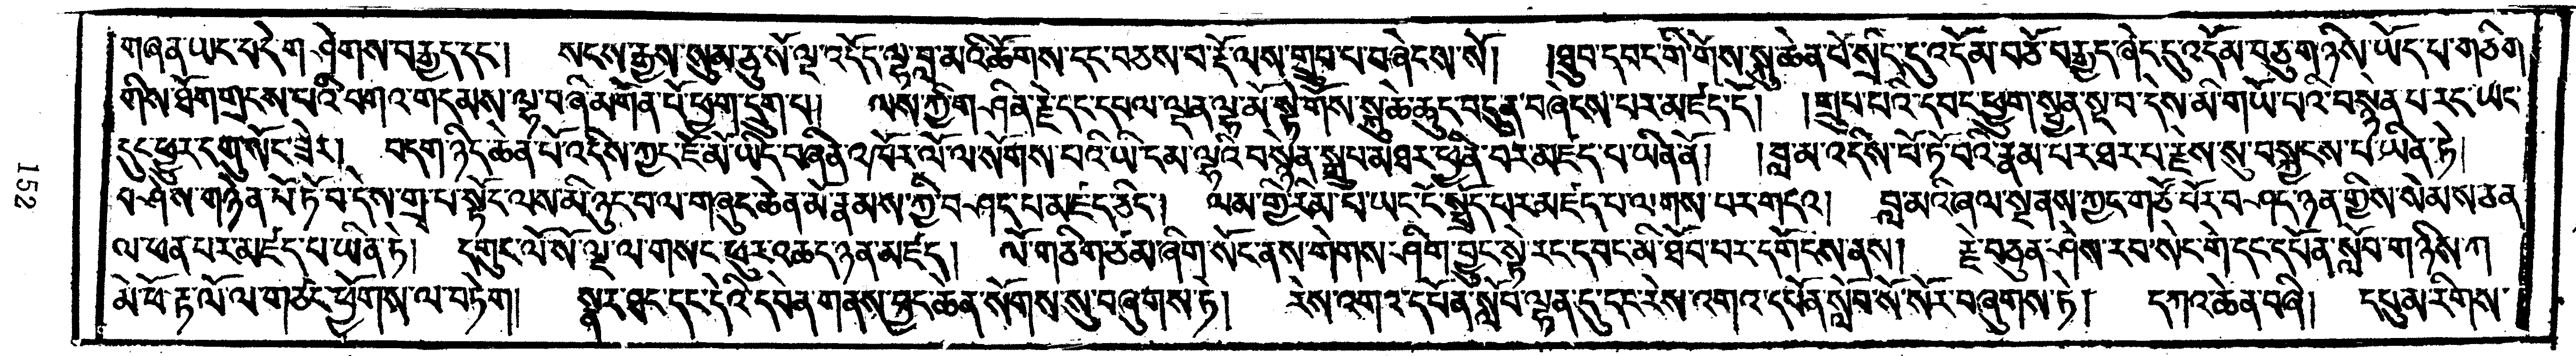གཞན་ཡང་བདེ་གཤེགས་བརྒྱད་དང་། སངས་རྒྱས་སུམ་ཅུ་སོ་ལྔ་འདོད་ལྷ་བླ་མའི་ཚོགས་དང་བཅས་པ་རྡོ་ལས་གྲུབ་པ་བཞེངས་སོ། །ཐུབ་དབང་གི་གོས་སྐུ་ཆེན་པོ་སྲིད་དུ་འདོམ་བཅོ་བརྒྱད་ཞེང་དུ་འདོམ་བཅུ་གཉིས་ཡོད་པ་གཅིག་
གིས་ཐོག་གྲངས་པའི་བགའ་གདམས་ལྷ་བཞི་མགོན་པོ་ཕྱག་དྲུག་པ། ལས་ཀྱི་གཤིན་རྗེ་དང་དཔལ་ལྡན་ལྷ་མོ་སྟེ་གོས་སྐུ་ཆེ་ཆུང་བདུན་བཞེངས་པར་མཛད་དོ། །གྲུབ་པའི་དབང་ཕྱུག་སྤྱན་སྔ་བ་དེས་མི་གཡོ་བའི་བསྙེན་པ་རང་ཡང་
དུང་ཕྱུར་དགུ་སོང་ཟེར། བདག་ཉིད་ཆེན་པོ་འདིས་ཀྱང་ཇོ་མོ་ཡིད་བཞིན་འཁོར་ལོ་ལ་སོགས་པའི་ཡི་དམ་ལྷའི་བསྙེན་སྒྲུབ་མཐར་ཕྱིན་བར་མཛད་པ་ཡིན་ནོ། །བླ་མ་འདིས་པོ་ཏོ་བའི་རྣམ་པར་ཐར་པ་རྗེས་སུ་བསྐྱངས་པ་ཡིན་ཏེ།
བཤེས་གཉེན་པོ་ཏོ་བ་དེས་གྲྭ་པ་སྟོང་ལས་མི་ཉུང་བ་ལ་གཞུང་ཆེན་མོ་རྣམས་ཀྱི་བཤད་པ་མཛད་ཅིང་། ལམ་གྱི་རིམ་པ་ཡང་ངོ་སྤྲོད་པར་མཛད་པ་ལགས་པར་གདའ། བླ་མའི་ཞལ་སྔ་ནས་ཀྱང་གཙོ་བོར་བཤད་ཉན་གྱིས་སེམས་ཅན་
ལ་ཕན་པར་མཛད་པ་ཡིན་ཏེ། དགུང་ལོ་སོ་ལྔ་ལ་གསང་ཕུར་འཆད་ཉན་མཛད། ལོ་གཅིག་ཙམ་ཞིག་སོང་ནས་གེགས་ཤིག་བྱུང་སྟེ་རང་དབང་མི་ཐོབ་པར་དགོངས་ནས། རྗེ་བཅུན་ཤེས་རབ་སེང་གེ་དང་དཔོན་སློབ་གཉིས་ཀ་
མེ་ཕོ་རྟ་ལོ་ལ་གཙང་ཕྱོགས་ལ་བཏེག། སྣར་ཐང་དང་དེའི་དབེན་གནས་བྱང་ཆེན་སོགས་སུ་བཞུགས་ཏེ། རེས་འགའ་དཔོན་སློབ་ལྷན་དུ་དང་རེས་འགའ་དཔོན་སློབ་སོ་སོར་བཞུགས་ཏེ། དཀའ་ཆེན་བཞི། དཔུ་མ་རིགས་